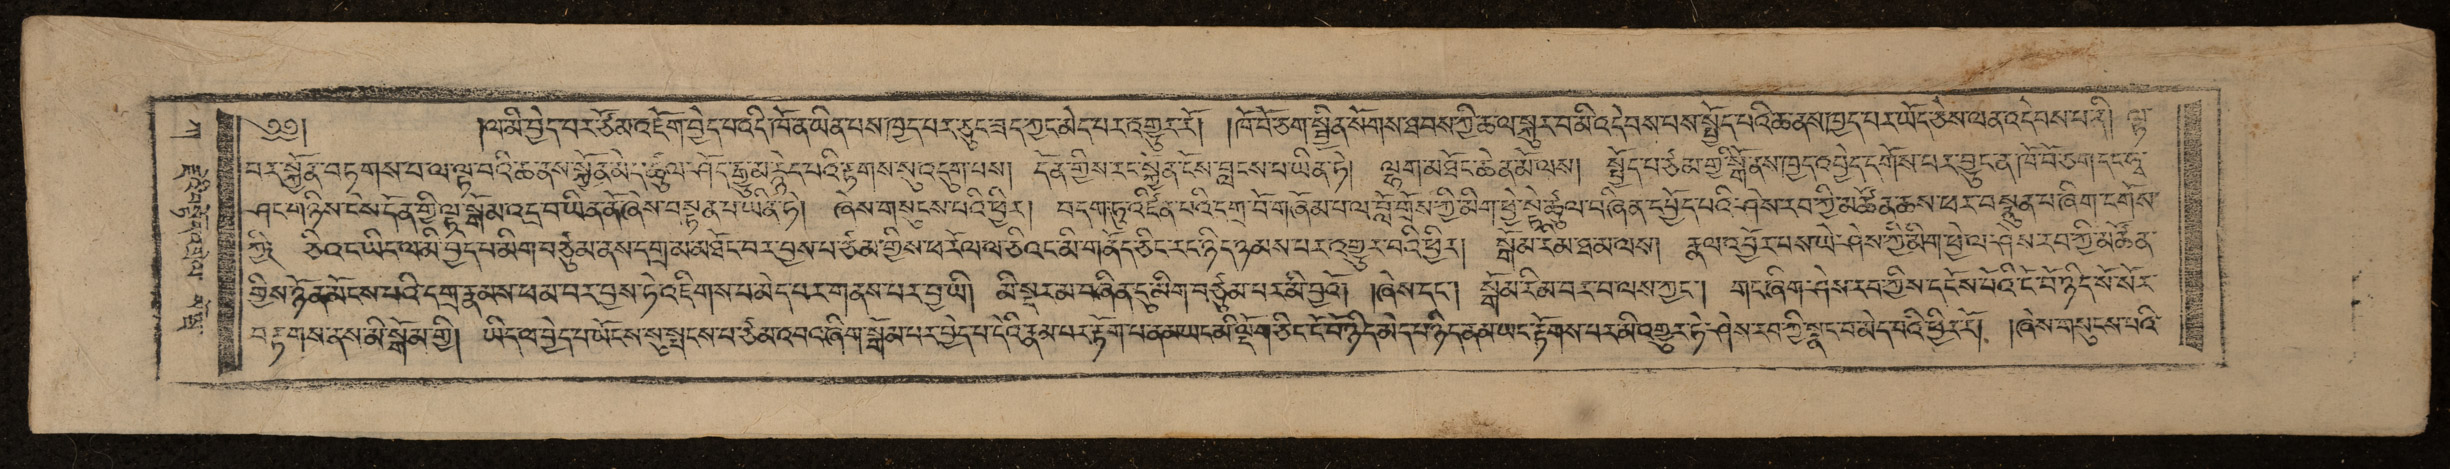༄༅། །ལ་མི་བྱེད་པར་ཙོམ་འཇོག་བྱེད་པ་འདི་ཁོ་ན་ཡིན་པས་ཁྱད་པར་ཅུང་ཟད་ཀྱང་མེད་པར་འགྱུར་རོ། །ཁོ་བོ་ཅག་སྦྱིན་སོགས་ཐབས་ཀྱི་ཆ་ལ་སྐུར་བ་མི་འདེབས་པས་སྤྱོད་པའི་ཆ་ནས་ཁྱད་པར་ཡོད་ཅེས་གན་འདེབས་པ་ནི། ལྟ་
བར་སྐྱོན་བཏགས་པ་ལ་ལྟ་བའི་ཆ་ནས་སྐྱོན་མེད་ཚུལ་ཤོད་རྒྱུ་མ་རྙེད་པའི་རྟགས་སུ་འདུག་པས། དོན་གྱིས་རང་སྐྱོན་ངོས་བླངས་པ་ཡིན་ཏེ། ལྷག་མཐོང་ཆེན་མོ་ལས། སྤྱོད་པ་ཙམ་གྱི་སྒོ་ནས་ཁྱད་འབྱེད་དགོས་པར་བྱུང་ན་ཁོ་བོ་ཅག?་དང་ཧྭ་
ཤང་གཉིས་ངེས་དོན་གྱི་ལྟ་སྒོམ་འདྲ་བ་ཡིན་ནོ་ཞེས་བསྟན་པ་ཡིན་ཏེ། ཞེས་གསུངས་བའི་ཕྱིར། བདག་ཏུ་འཛིན་པའི་དགྲ་བོ་གཞོམ་པ་ལ་བློ་གྲོས་ཀྱི་མིག་ཕྱེ་སྟེ་ཚུལ་བཞིན་དཔྱོད་པའི་ཤེས་རབ་ཀྱི་མཚོན་ཆས་ཕར་བསྣུན་པ་ཞིག་དགོས་
ཀྱི༑ ཅི་རང་ཡིད་ལ་མི་བྱེད་པ་མིག་བཙུམ་ནས་དགྲ་མ་མཐོང་བར་བྱས་པ་ཙམ་གྱིས་ཕ་རོལ་ལ་ཅིའང་མི་གནོད་ཅིང་རང་ཉིད་ཉམས་པར་འགྱུར་བའི་ཕྱིར། སྒོམ་རིམ་ཐམ་ལས། རྣལ་འབྱོར་པས་ཡེ་ཤེས་ཀྱི་མིག་ཕྱེ་ལ་ཤེས་རབ་ཀྱི་མཚོན་
གྱིས་ཉོན་མོངས་པའི་དགྲ་རྣམས་ཕམ་པར་བྱས་ཏེ་འཇིགས་པ་མེད་པར་གནས་པར་བྱ་ཡི། མི་སྔར་མ་བཞིན་དུ་མིག་བཙུམ་པར་མི་བྱའོ། །ཞེས་དང་། སྒོམ་རིམ་པར་པ་ལས་ཀྱང་། གང་ཞིག་ཤེས་རབ་ཀྱིས་དངོས་པོའི་ངོ་བོ་ཉིད་སོ་སོར་
བརྟགས་ནས་མི་སྒོམ་གྱི། ཡིད་ག་བྱེད་པ་ཁོངས་སུ་སྤངས་པ་ཙམ་འབའ་ཞིག་སྒོམ་པར་བྱེད་པ་དེའི་རྣམ་པར་རྟོག་པ་ནམ་ཡང་མི་ལྡོག་ཅིང་ངོ་བོ་ཉིད་མེད་པ་ཉིད་ནམ་ཡང་རྟོགས་པར་མི་འགྱུར་ཏེ་ཤེས་རབ་ཀྱི་སྣང་བ་མེད་དཔའི་ཕྱིར་རོ། །ཞེས་གསུངས་པའི་